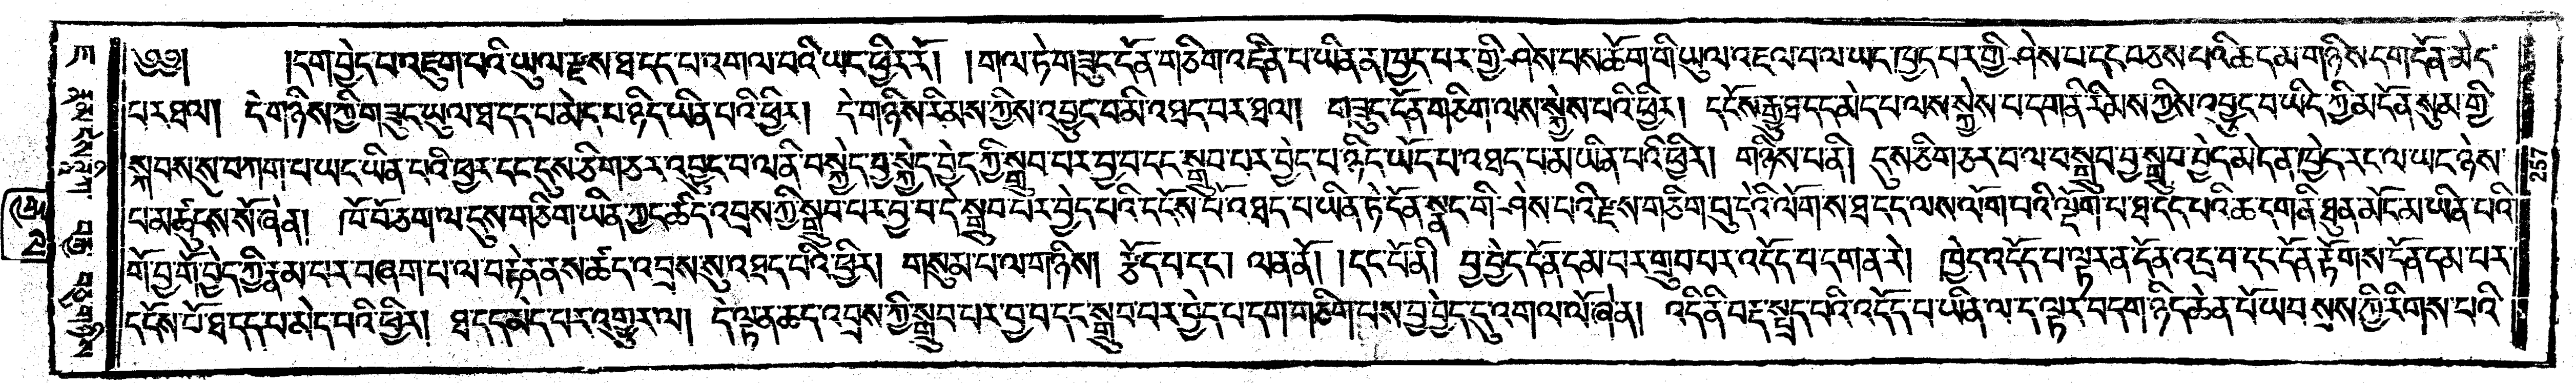༄༅། །དག་བྱེད་པ་འཇུག་པའི་ཡུལ་རྫས་ཐ་དད་པ་འགལ་བའི་ཡང་ཕྱིར་རོ། །གལ་ཏེ་གཟུང་དོན་གཅིག་འཛིན་པ་ཡིན་ན་ཁྱད་པར་གྱི་ཤེས་པས་ཆོག་གི་ཡུལ་འཇལ་བ་ལ་ཡང་ཁྱད་པར་གྱི་ཤེས་པ་དང་བཅས་པའི་ཆད་མ་གཉིས་དག་དོན་མེད་
པར་ཐལ། དེ་གཉིས་ཀྱི་གཟུང་ཡུལ་ཐ་དད་པ་མེད་པ་ཉིད་ཡིན་པའི་ཕྱིར། དེ་གཉིས་རིམས་ཀྱིས་འབྱུང་བ་མི་འཐད་པར་ཐལ། གཟུང་དོན་གཅིག་ལས་སྐྱེས་པའི་ཕྱིར། དངོས་རྒྱུ་ཐ་དད་མེད་པ་ལས་སྐྱེས་པ་དག་ནི་རིམས་ཀྱིས་འབྱུང་བ་ཡིད་ཀྱི་མངོན་སུམ་གྱི་
སྐབས་སུ་བཀག་པ་ཡང་ཡིན་པའི་ཕྱིར་དང་དུས་ཅིག་ཅར་འབྱུང་བ་ལ་ནི་བསྐྱེད་བྱ་སྐྱེད་བྱེད་ཀྱི་སྒྲུབ་པར་བྱ་བ་དང་སྒྲུབ་པར་བྱེད་པ་ཉིད་ཡོད་པ་འཐད་པ་མ་ཡིན་པའི་ཕྱིར། གཉིས་པ་ནི། དུས་ཅིག་ཅར་བ་ལ་བསྒྲུབ་བྱ་སྒྲུབ་བྱེད་མེད་ན་ཁྱེད་རང་ལ་ཡང་ཉེས་
པ་མཚུངས་སོ་ཞེ་ན། ཁོ་བོ་ཅག་ལ་དུས་གཅིག་ཡིན་ཀྱང་ཚད་འབྲས་ཀྱི་སྒྲུབ་པར་བྱ་བ་དེ་སྒྲུབ་པར་བྱེད་པའི་དངོས་པོ་འཐད་པ་ཡིན་ཏེ་དོན་སྣང་གི་ཤེས་པའི་རྫས་གཅིག་པུ་དེའི་ལོགས་ཐ་དད་ལས་ལོག་པའི་ལྡོག་པ་ཐ་དད་པའི་ཆ་དག་ནི་ཐུན་མོང་མ་ཡིན་པའི་
གོ་བྱ་གོ་བྱེད་ཀྱི་རྣམ་པར་བཞག་པ་ལ་བརྟེན་ནས་ཚད་འབྲས་སུ་འཐད་པའི་ཕྱིར། གསུམ་པ་ལ་གཉིས། རྩོད་པ་དང་། ལན་ནོ། །དང་པོ་ནི། བྱ་བྱེད་དོན་དམ་པར་གྲུབ་པར་འདོད་པ་དག་ན་རེ། ཁྱེད་འདོད་པ་ལྟར་ན་དོན་འདྲ་བ་དང་དོན་རྟོགས་དོན་དམ་པར་
དངོས་པོ་ཐ་དད་པ་མེད་པའི་ཕྱིར། ཐ་དད་མེད་པར་འགྱུར་ལ། དེ་ལྟ་ན་ཆད་འབྲས་ཀྱི་སྒྲུབ་པར་བྱ་བ་དང་སྒྲུབ་པར་བྱེད་པ་དག་གཅིག་པས་བྱ་བྱེད་དུ་འགལ་ལོ་ཞེ་ན། འདི་ནི་བརྡ་སྤྲད་པའི་འདོད་པ་ཡིན་ལ་ད་ལྟར་བདག་ཉིད་ཆེན་པོ་ཡབ་སྲས་ཀྱི་རིགས་པའི་